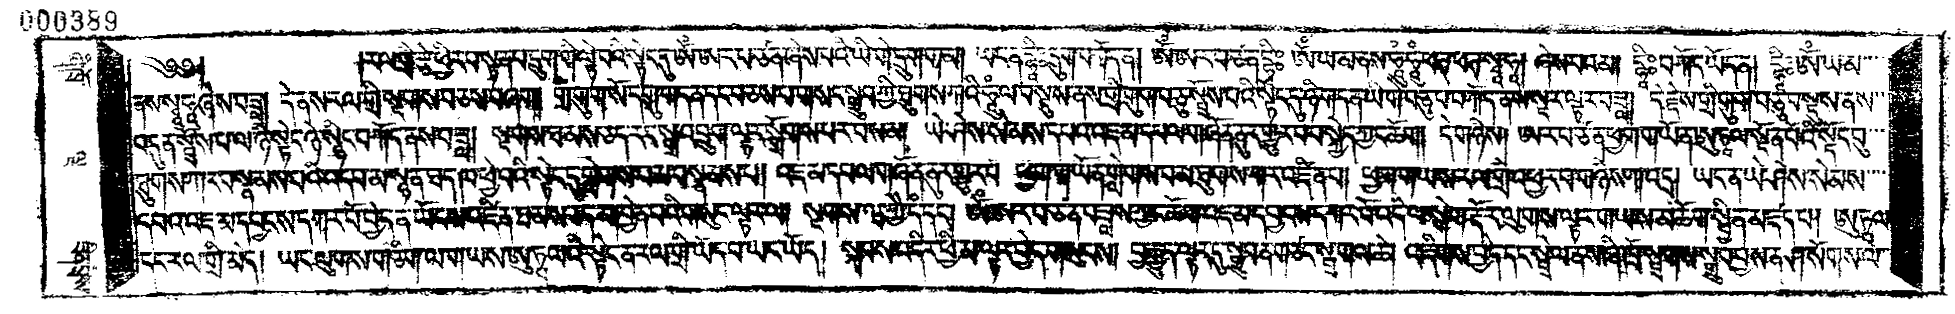༄༅། །རལ་གྲི་རྩེ་ཕྱིར་བསྟན་པ་དྲུག་གི་ལྟེ་བའི་སྟེང་དུ་ཨོཾ་ཨ་ར་པ་ཙན་ཞེས་པའི་ཡི་གེ་དྲུག་གམ། ཡང་ན་དྷཱིཿ དྲུག་བཀོད་ན། ཨོཾ་ཨ་ར་པ་ཙ་ན་དྷཱིཿ ཨོཾ་ཡ་མ་ནས་ཧཱུཾ་ཧཱུཾ་ཕཊ་ཕཊ་སྭཱཧྭཱ། ཞེས་པའམ། དྷཱིཿ བཀོད་ཡོད་ན། དྷཱིཿ ཨོཾ་ཡ་མ་
ནས་སྭཱཧཱ་ཞེས་བཟླ། དེ་ནས་རལ་གྲི་སྔགས་བཅས་བཞག །གྲི་གུག་སོ་དགུ་གདན་དང་བཅས་པ་གསང་སྒྲུབ་ཀྱི་ཐུགས་ཀའི་ཧཱུཾ་ལ་བསྡུས་ནས་གྲི་གུག་བཅུ་སྤྲོས་པའི་སྟེང་དུ་ཉི་གདན་ཡི་གེ་བཅུ་པ་བཀོད་ནས་སྔར་ལྟར་བཟླ། དེ་རྗེས་གྲི་གུག་བཅུ་བསྡུས་ནས་
བདུན་སྤྲོས་པ་ལ་ཉི་སྟེང་ཉེ་སྙིང་བཀོད་ནས་བཟླ། སྔགས་ཐམས་ཅད་རང་སྒྲ་འཕྲུག་ལྟར་སྒྲོགས་པར་བསམ། ཡེ་ཤེས་སེམས་དཔའ་འཇམ་དཔལ་གཞོན་ནུར་གྱུར་བ་བསྐྱེད་ཀྱང་ཆོག །དེ་གཉིས། ཨ་ར་པ་ཙ་ན་ཕྱག་གཡོན་ཨུཏྤལ་སྔོན་པོའི་སྡོང་བུ་
ཐུགས་ཀར་བསྣམས་པའི་འདབ་མ་སྙན་ཐད་ཁ་ཕྱེ་བའི་སྟེང་དུ་གླེགས་བམ་བསྣམས་པ། འཇམ་དཔལ་གཞོན་ནུར་གྱུར་པ། ཕྱག་གཡོན་གླེགས་བམ་ཐུགས་ཀར་འཛིན་པ། ཕྱག་གཡས་རལ་གྲི་འཕྱར་བ་གཉིས་ཀ་འདྲ། ཡང་ན་ཡེ་ཤེས་སེམས་
དཔའ་འཇམ་དབྱངས་དཀར་པོ་བྱེད་ན་ཡོངས་འཛིན་ཐམས་ཅད་མཁྱེན་པའི་གསུང་ལྟར་ལ། སྔགས་ཝ་ཀྱཻ་དཾ་དང་། ཨོཾ་ཨ་ར་པ་ཙ་ན་བཟླས་ཀྱང་ཆོག་འཇམ་དབྱངས་དཀར་པོ་འདི་ལ་སྒེག་རྡོར་ལུགས་ལྟར་གཡས་མཆོག་སྦྱིན་མཛད་པ། ཨུཏྤལ་
དང་རལ་གྲི་མེད། ཡང་ལུགས་གཅིག་ལ་གཡས་ཨུཏྤལའི་སྟེང་ན་རལ་གྲི་ཡོད་པ་ཡང་ཡོད། སྐབས་འདིར་ཕྱི་མ་ལྟར་བྱེད་གསུངས། བྱ་རྒྱུད་ལྟར་དུ་སྒྲུབ་ན་གཙང་སྦྲ་གལ་ཆེ། འཇིགས་བྱེད་དང་སྦྲེལ་ནས་ཞི་ཁྲོ་སྦྲགས་སྒྲུབ་བྱས་ན་ཤ་སོགས་ལ་